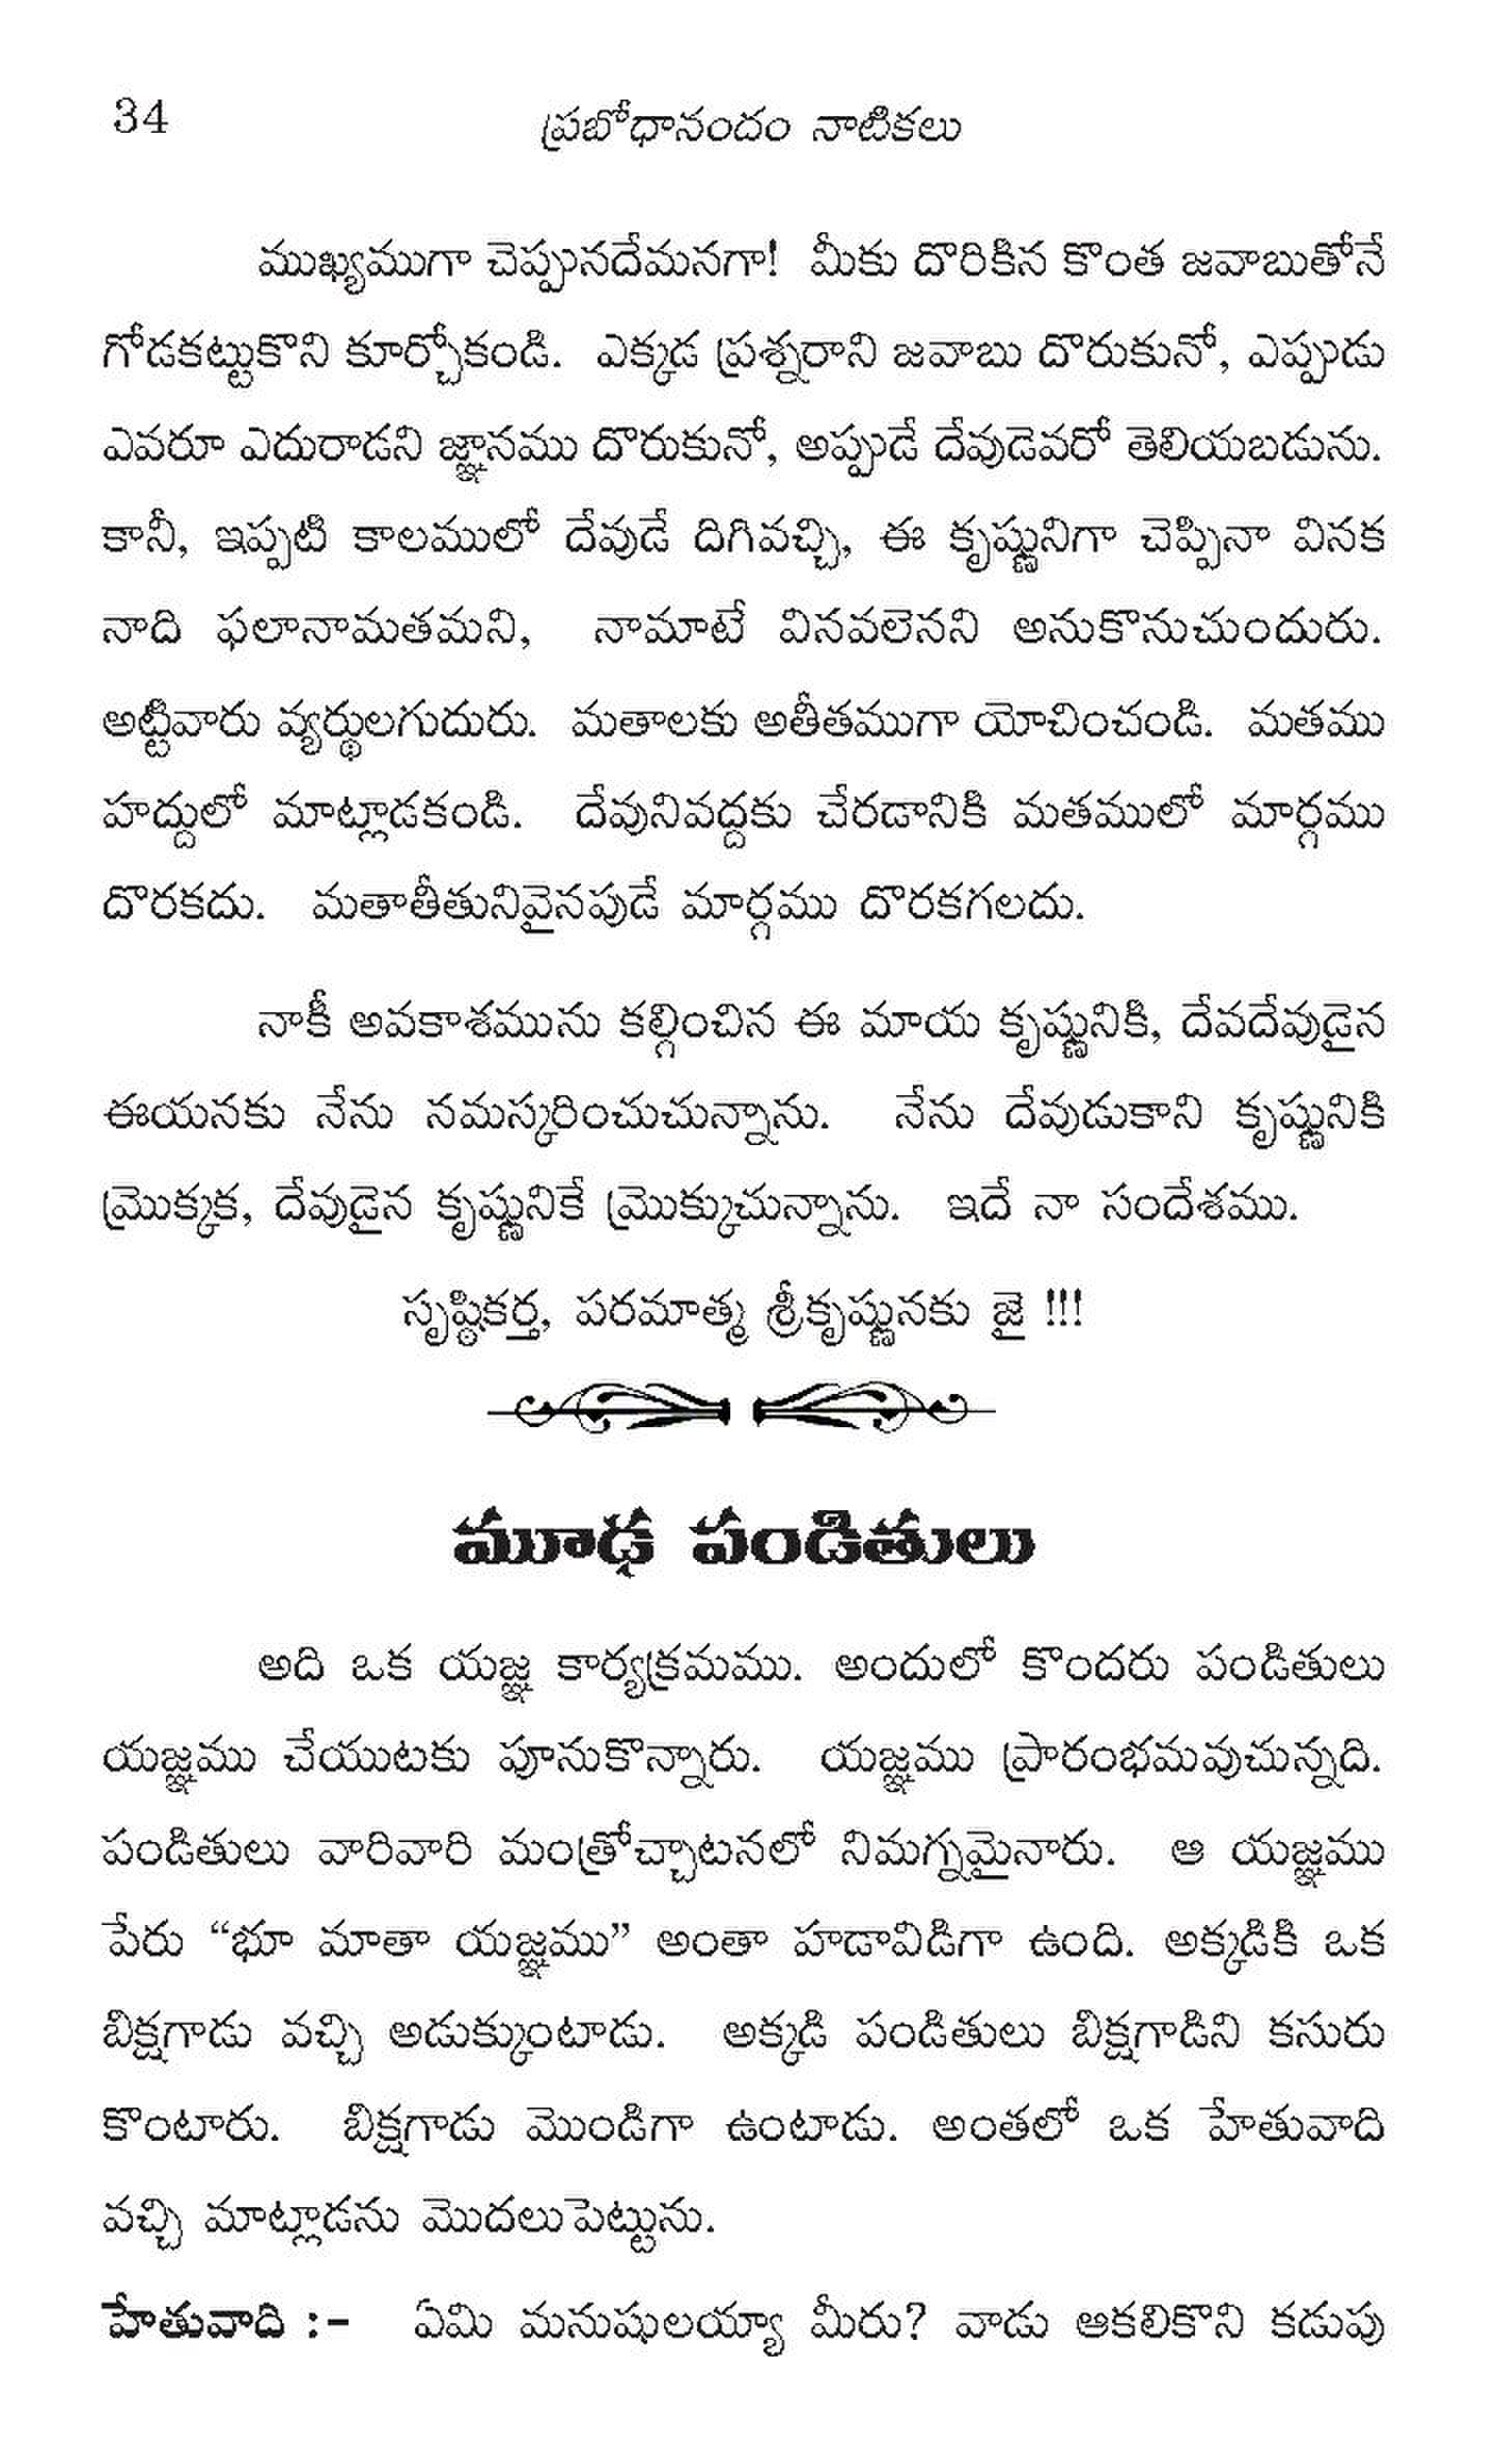ముఖ్యముగా చెప్పునదేమనగా! మీకు దొరికిన కొంత జవాబుతోనే గోడకట్టుకొని కూర్చోకండి. ఎక్కడ ప్రశ్నరాని జవాబు దొరుకునో, ఎప్పుడు ఎవరూ ఎదురాడని జ్ఞానము దొరుకునో, అప్పుడే దేవుడెవరో తెలియబడును. కానీ, ఇప్పటి కాలములో దేవుడే దిగివచ్చి, ఈ కృష్ణునిగా చెప్పినా వినక నాది ఫలానామతమని, నామాటే వినవలెనని అనుకొనుచుందురు. అట్టివారు వ్యర్థులగుదురు. మతాలకు అతీతముగా యోచించండి. మతము హద్దులో మాట్లాడకండి. దేవునివద్దకు చేరడానికి మతములో మార్గము దొరకదు. మతాతీతునివైనపుడే మార్గము దొరకగలదు.

నాకీ అవకాశమును కల్గించిన ఈ మాయ కృష్ణునికి, దేవదేవుడైన ఈయనకు నేను నమస్కరించుచున్నాను. నేను దేవుడుకాని కృష్ణునికి మ్రొక్కక, దేవుడైన కృష్ణునికే మ్రొక్కుచున్నాను. ఇదే నా సందేశము.

అది ఒక యజ్ఞ కార్యక్రమము. అందులో కొందరు పండితులు యజ్ఞము చేయుటకు పూనుకొన్నారు. యజ్ఞము ప్రారంభమవుచున్నది. పండితులు వారివారి మంత్రోచ్చాటనలో నిమగ్నమైనారు. ఆ యజ్ఞము పేరు "భూ మాతా యజ్ఞము" అంతా హడావిడిగా ఉంది. అక్కడికి ఒక బిక్షగాడు వచ్చి అడుక్కుంటాడు. అక్కడి పండితులు బిక్షగాడిని కసురు కొంటారు. బిక్షగాడు మొండిగా ఉంటాడు. అంతలో ఒక హేతువాది వచ్చి మాట్లాడను మొదలుపెట్టును.

హేతువాది :-	ఏమి మనుషులయ్యా మీరు? వాడు ఆకలికొని కడుపు